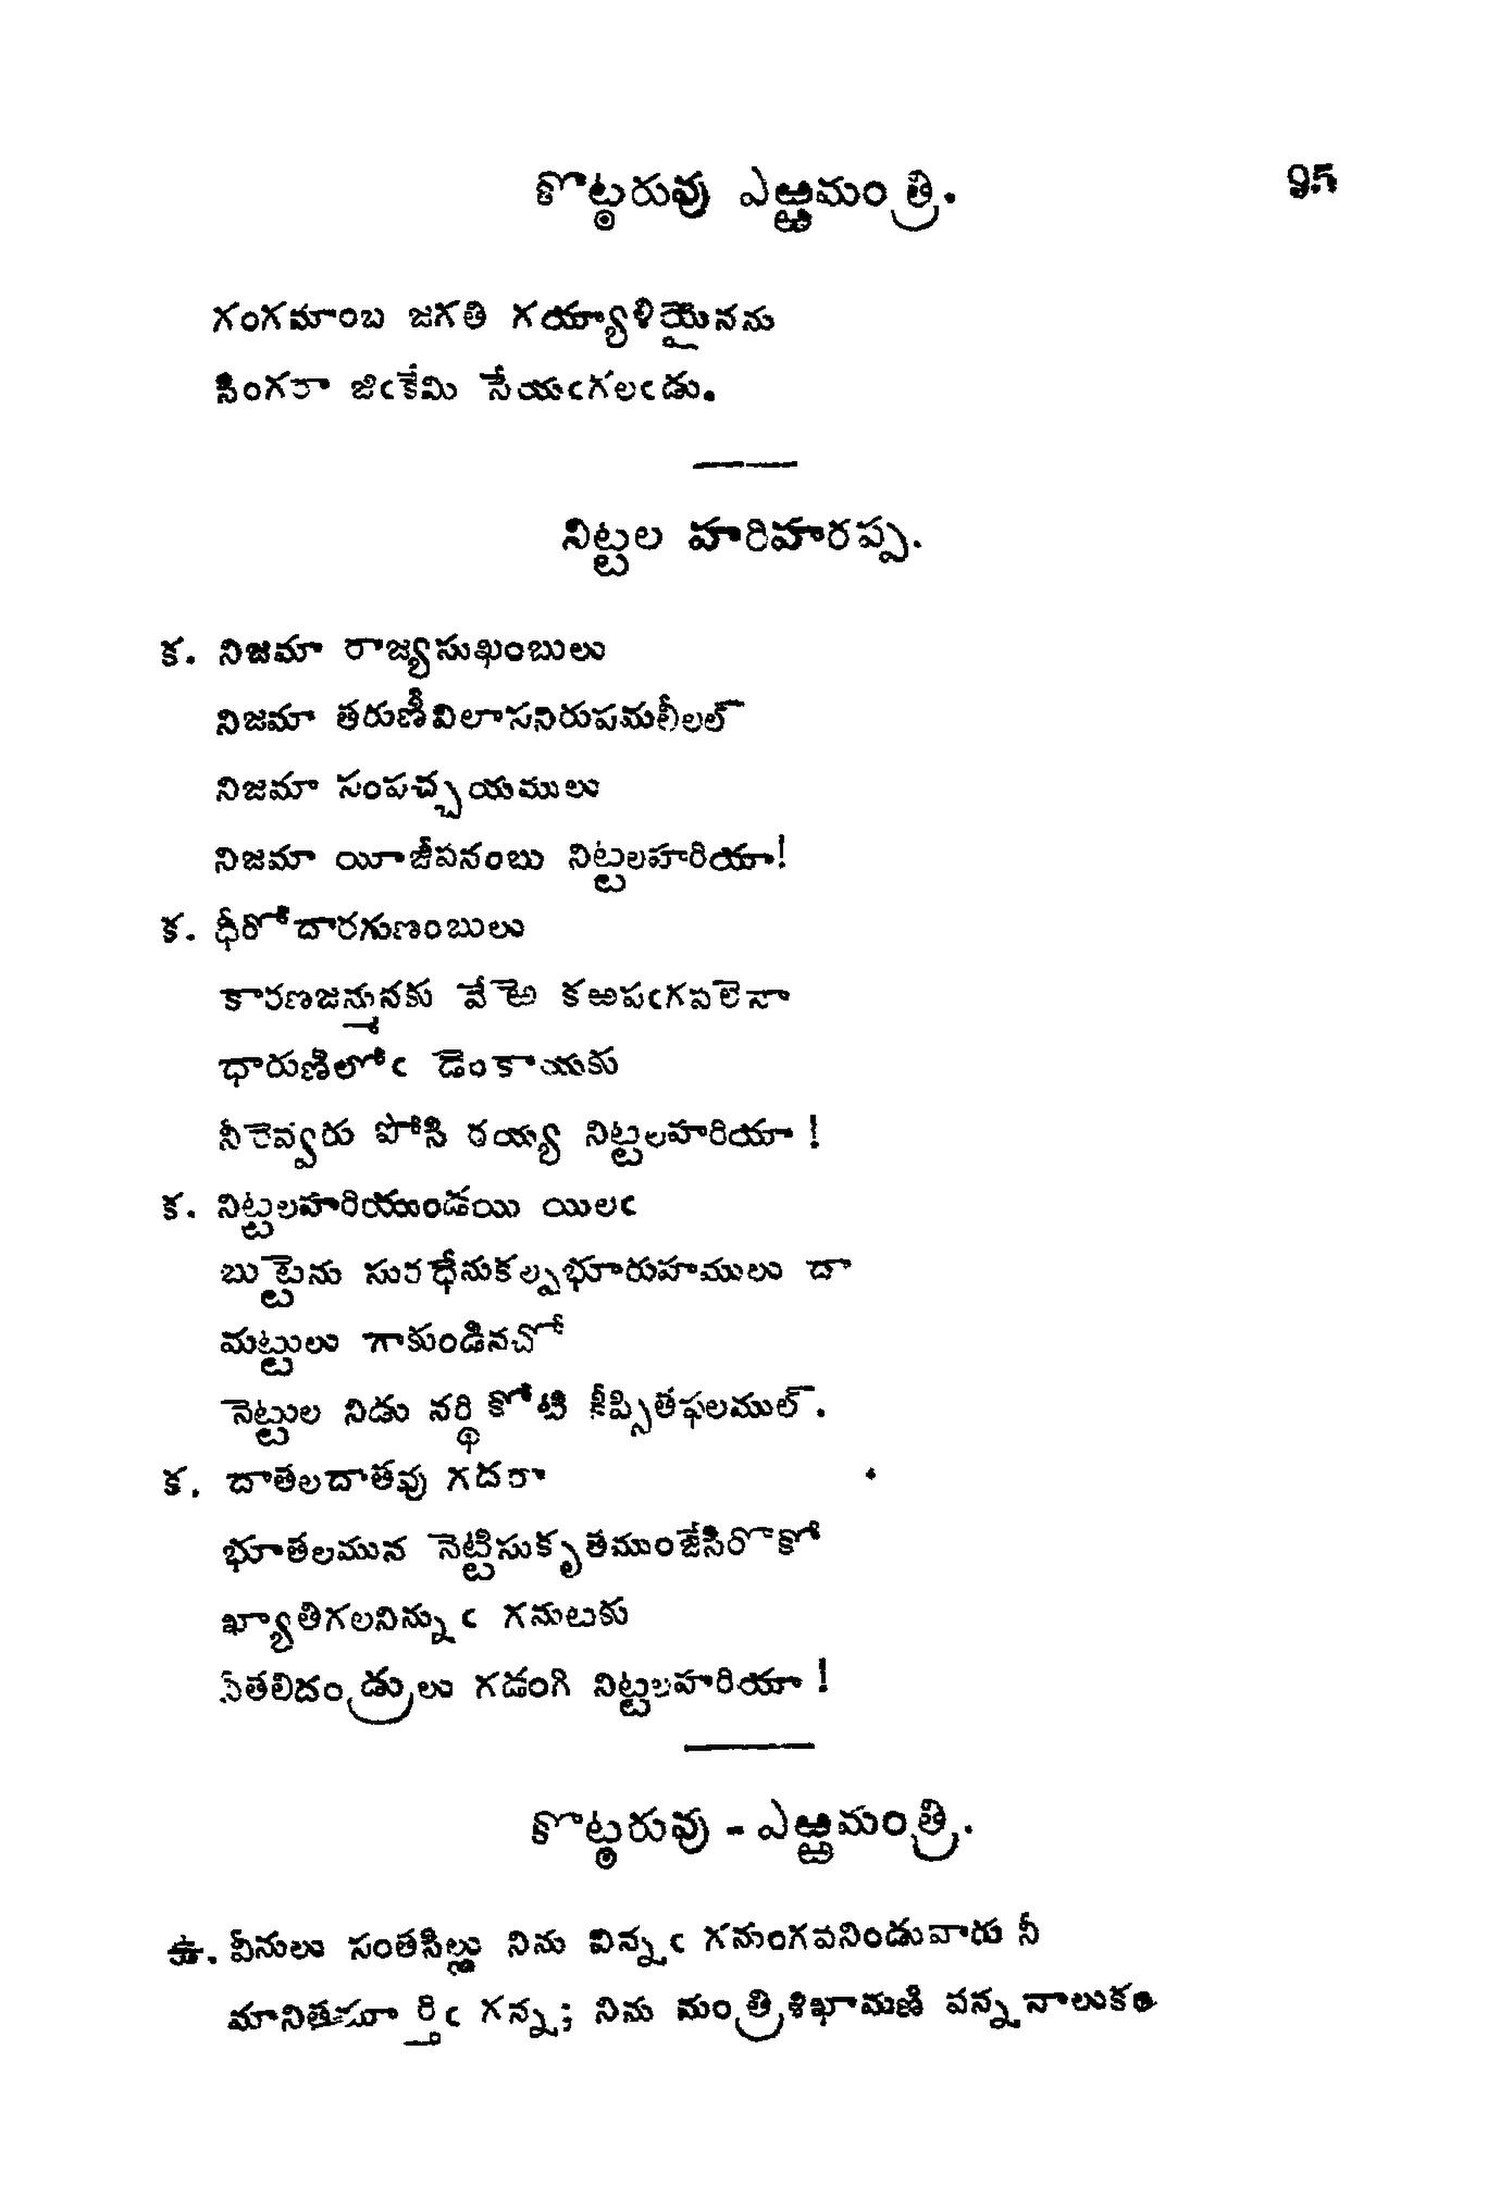గంగమాంబ జగతి గయ్యాళియైనను
 సింగరా జింకేమి సేయఁగలఁడు.

క. నిజమా రాజ్యసుఖంబులు
 నిజమా తరుణీవిలాసనిరుపమలీలల్
 నిజమా సంపచ్చయములు
 నిజమా యీజీవనంబు నిట్టల హరియా!
క. ధీరోదారగుణంబులు
 కారణజన్మునకు వేఱె కఱపఁగవలెనా
 ధారుణిలోఁ డెంకాయకు
 నీరెవ్వరు పోసి రయ్య నిట్టలహరియా!
క. నిట్టలహరియుండయి యిలఁ
 బుట్టెను సురధేనుకల్పభూరుహములు దా
 మట్టులు గాకుండినచో
 నెట్టుల నిడు నర్థికోటి కీప్సితఫలముల్.
క. దాతలదాతవు గదరా
 భూతలమున నెట్టిసుకృతముం జేసిరొకో
 ఖ్యాతిగలనిన్నుఁ గనుటకు
 నీతరిదండ్రులు గడంగి నిట్టిలహరియా!

ఉ. వీనులు సంతసిల్లు నిను విన్నఁ; గనుంగవ నిండువారు నీ
 మానితమూర్తిఁ గన్న; నిను మంత్రిశిఖామణి వన్ననాలుకం